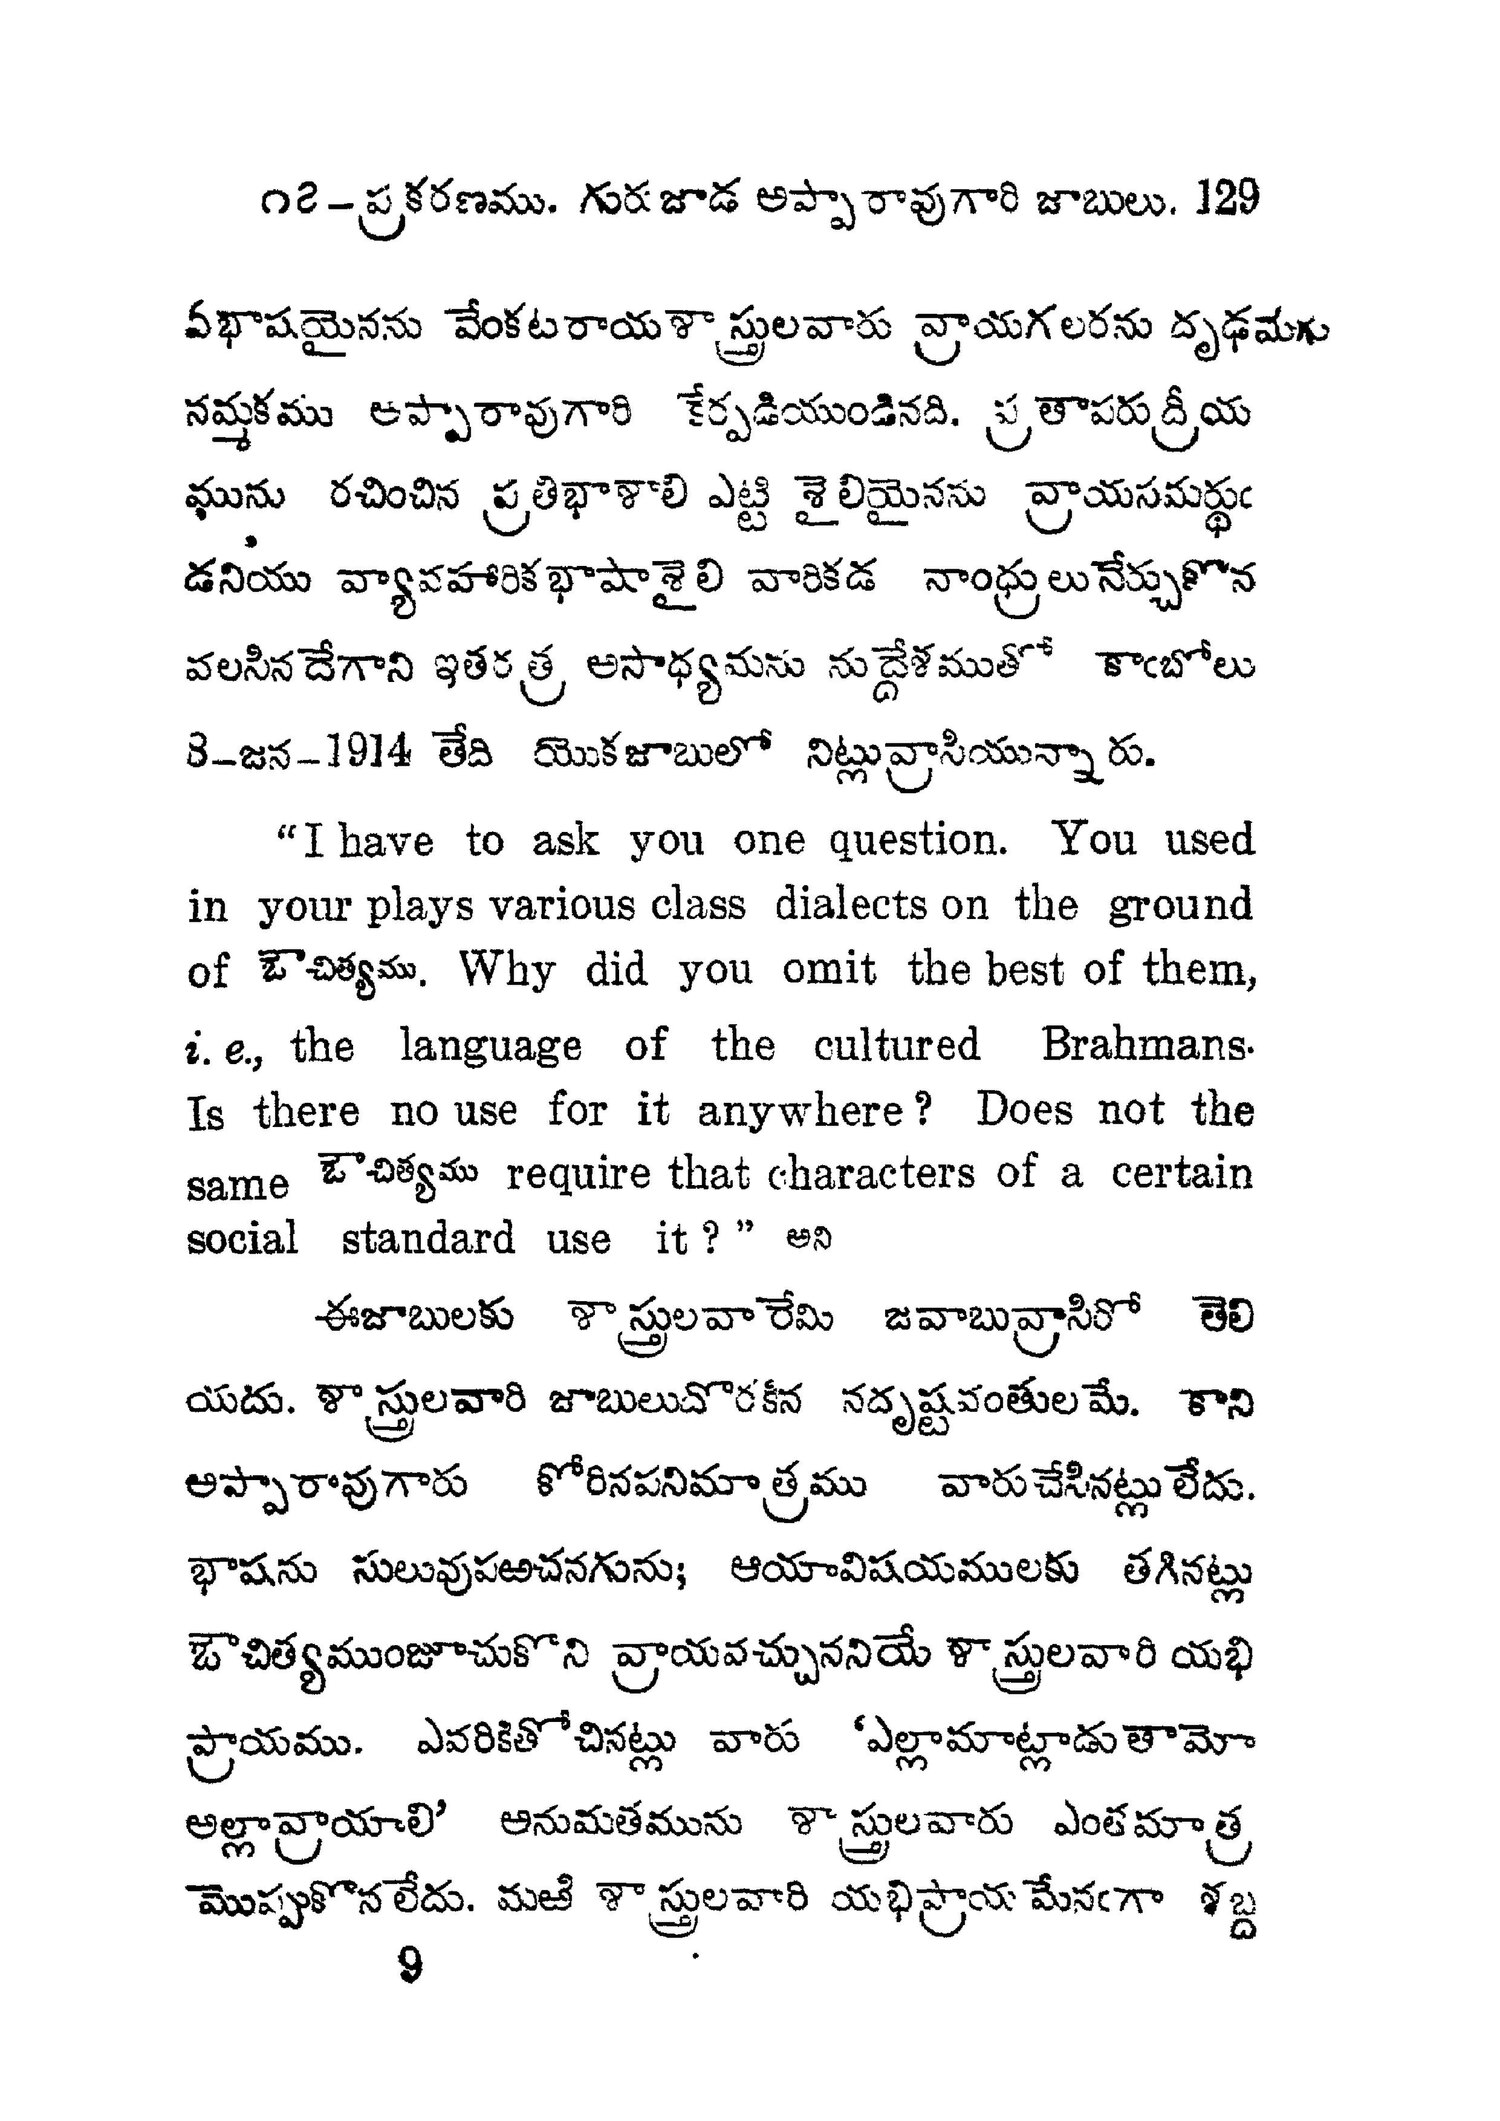ఏభాషయైనను వేంకటరాయశాస్త్రులవారు వ్రాయగలరను దృడమగు నమ్మకము అప్పారావుగారి కేర్పడియుండినది. ప్రతాపరుద్రీయమును రచించిన ప్రతిభాశాలి ఎట్టి శైలియైనను వ్రాయసమర్థుడనియు వ్యావహారికభాషాశైలి వారికడ నాంధ్రులునేర్చుకొనవలసినదేగాని ఇతరత్ర అసాధ్యమను నుద్దేశముతో కాబోలు 8-జన-1914 తేది యొకజాబులో నిట్లువ్రాసియున్నారు.

"I have to ask you one question. You used in your plays various class dialects on the ground of ఔచిత్యము. Why did you omit the best of them, i,e, the language of the cultured Brahmans. Is there no use for it any where? Does not the same ఔచిత్యము require that characters of a certain social standard use it ?" అని

ఈజాబులకు శాస్త్రులవారేమి జవాబువ్రాసిరో తెలియదు. శాస్త్రులవారి జాబులుదొరకిన నదృష్టవంతులమే. కాని అప్పారావుగారు కోరినపనిమాత్రము వారుచేసినట్లు లేదు. భాషను సులువుపఱచనగును; ఆయావిషయములకు తగినట్లు ఔచిత్యముంజూచుకొని వ్రాయవచ్చుననియే శాస్త్రులవారి యభిప్రాయము. ఎవరికితోచినట్లు వారు 'ఎల్లామాట్లాడుతామో అల్లావ్రాయాలి' అనుమతమును శాస్త్రులవారు ఎంతమాత్ర మొప్పుకొనలేదు. మఱి శాస్త్రులవారి యభిప్రాయమేనగా శబ్ద